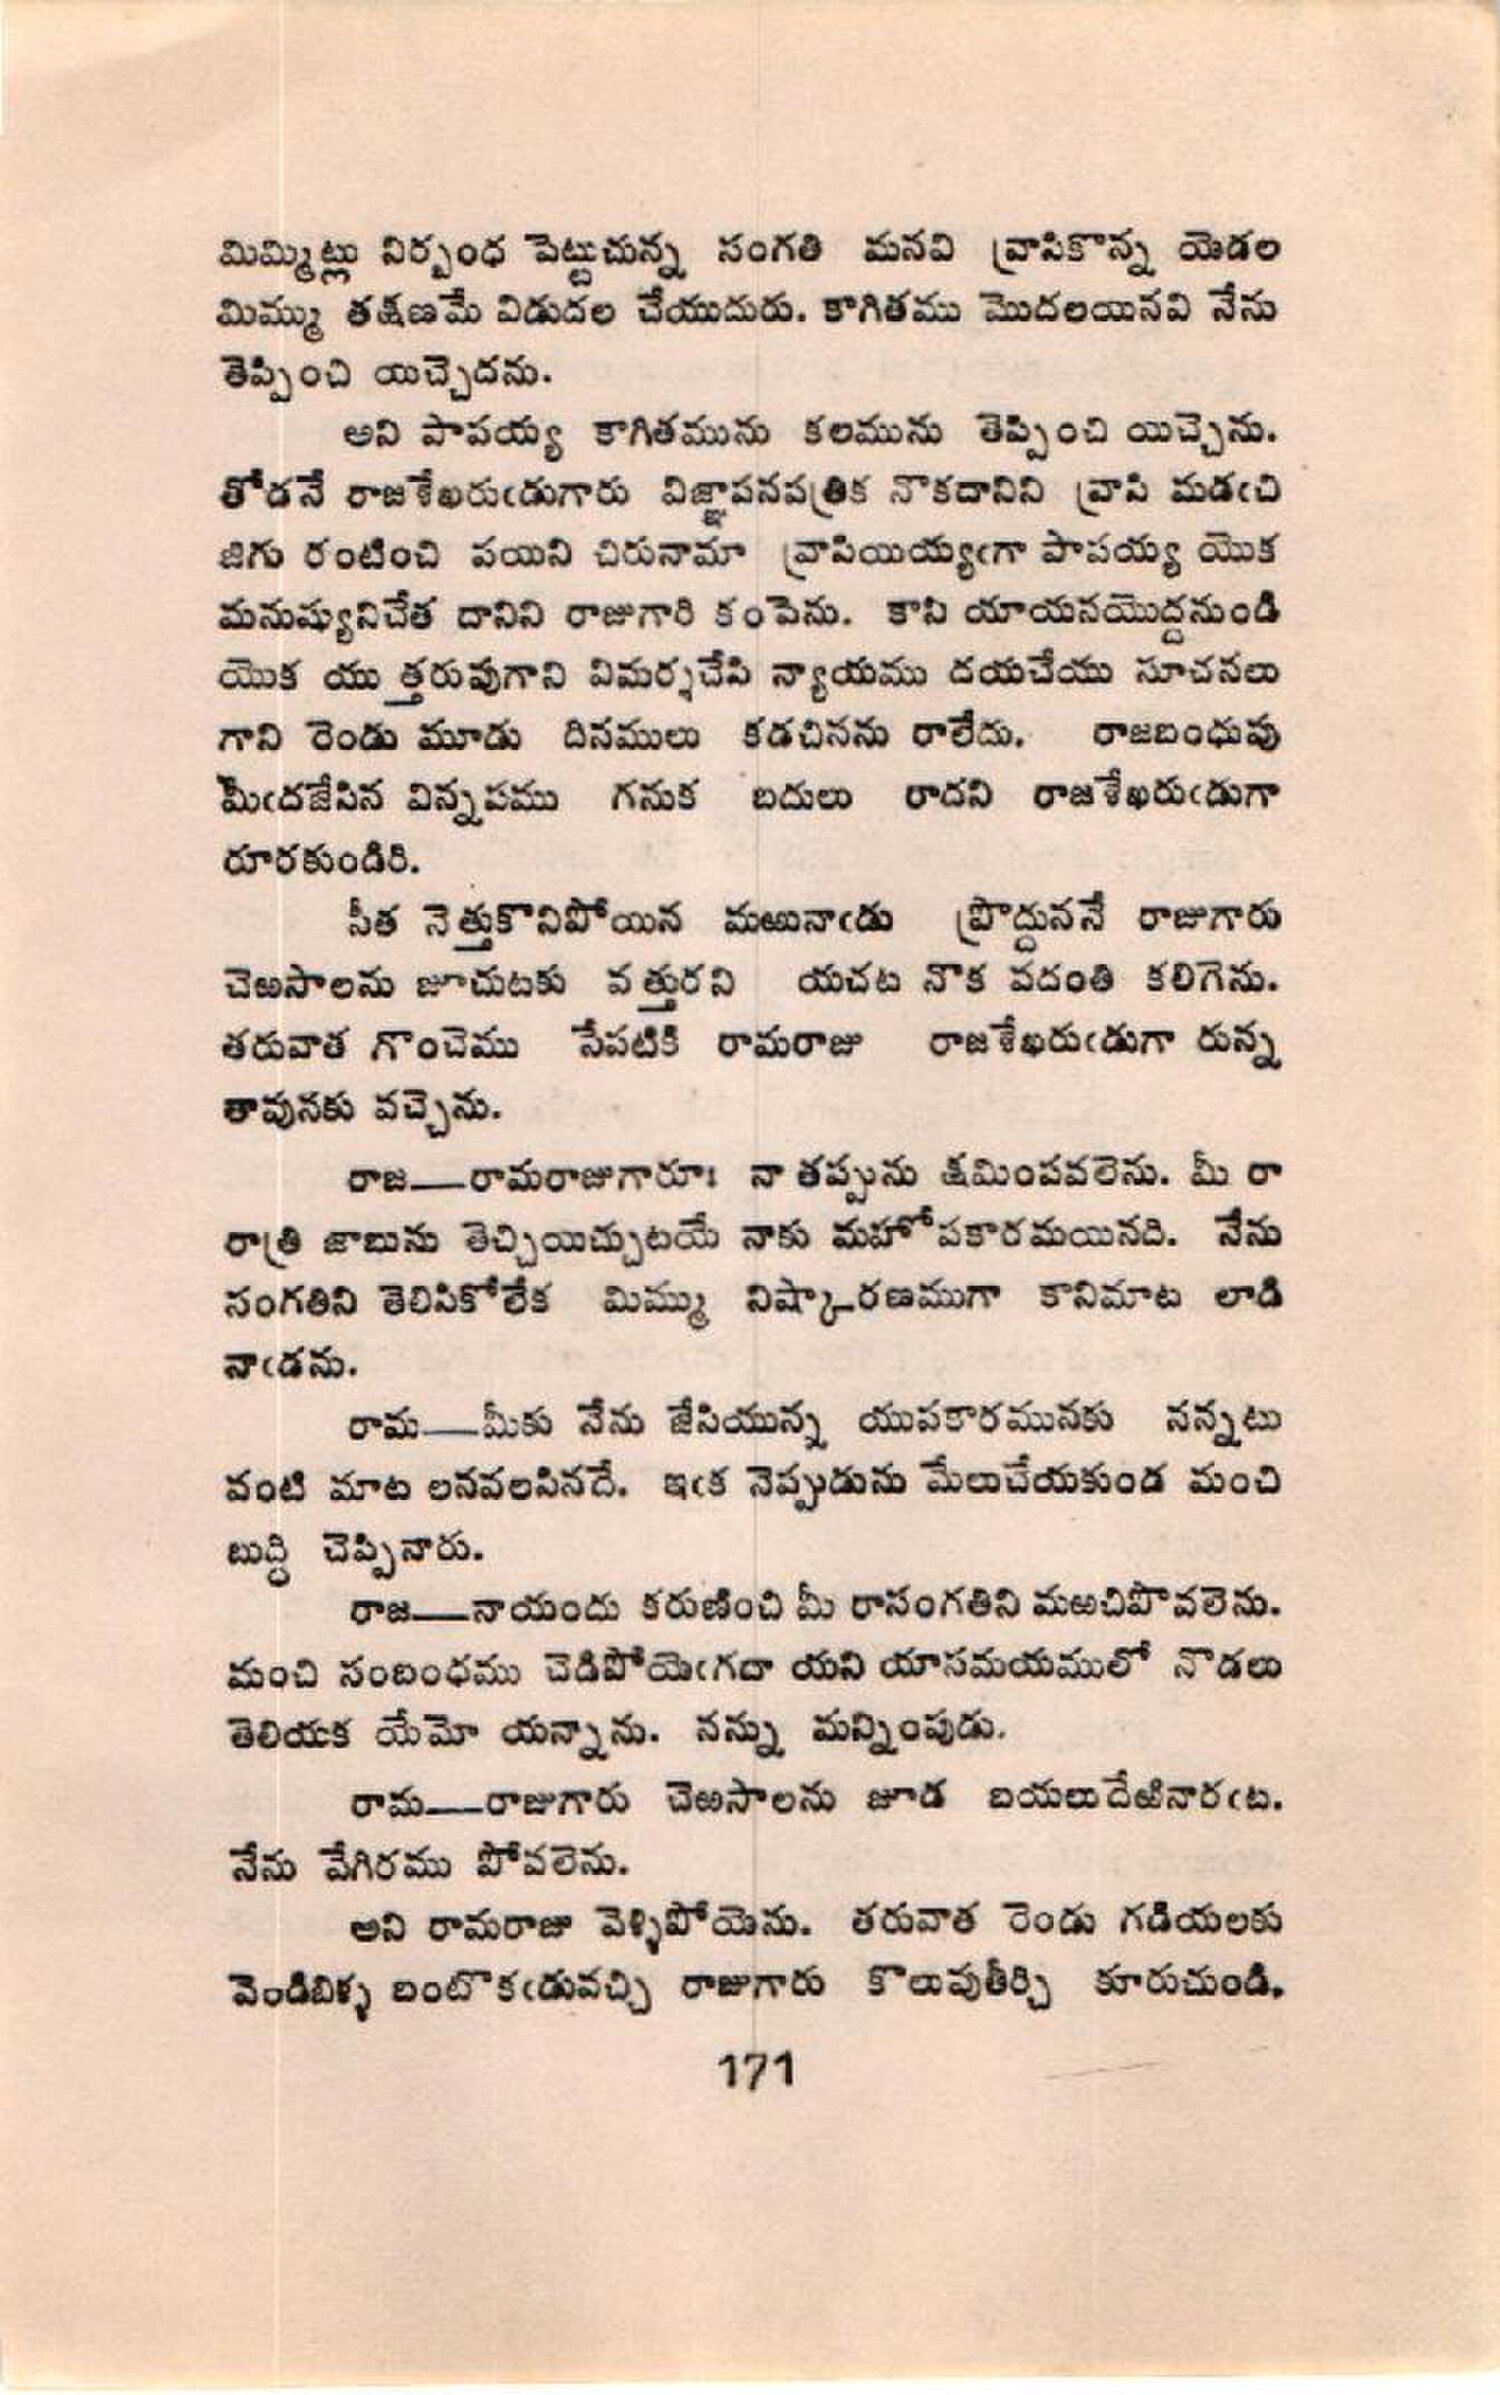మిమ్మిట్లు నిర్బంధ పెట్టుచున్న సంగతి మనవి వ్రాసికొన్న యెడల మిమ్ము తక్షణమే విడుదల చేయుదురు. కాగితము మొదలయినవి నేను తెప్పించి యిచ్చెదను.

అని పాపయ్య కాగితమును కలమును తెప్పించి యిచ్చెను. తోడనే రాజశేఖరుఁడుగారు విజ్ఞాపనపత్రిక నొకదానిని వ్రాసి మడఁచి జిగు రంటించి పయిని చిరునామా వ్రాసియియ్యఁగా పాపయ్య యొక మనుష్యునిచేత దానిని రాజుగారి కంపెను. కాని యాయనయొద్దనుండి యొక యుత్తరువుగాని విమర్శ చేసి న్యాయము దయచేయు సూచనలు గాని రెండు మూడు దినములు కడచినను రాలేదు. రాజబంధువు మీఁదజేసిన విన్నపము గనుక బదులు రాదని రాజశేఖరుఁడుగా రూరకుండిరి.

సీత నెత్తుకొనిపోయిన మఱునాఁడు ప్రొద్దుననే రాజుగారు చెఱసాలను జూచుటకు వత్తురని యచట నొక వదంతి కలిగెను. తరువాత గొంచెము సేపటికి రామరాజు రాజశేఖరుఁడుగా రున్న తావునకు వచ్చెను.

రాజ__రామరాజుగారూ! నా తప్పును క్షమింపవలెను. మీ రా రాత్రి జాబును తెచ్చియిచ్చుటయే నాకు మహోపకారమయినది. నేను సంగతిని తెలిసికోలేక మిమ్ము నిష్కారణముగా కానిమాట లాడి నాఁడను.

రామ__మీకు నేను జేసియున్న యుపకారమునకు నన్నటు వంటి మాట లనవలసినదే. ఇక నెప్పుడును మేలుచేయకుండ మంచి బుద్ధి చెప్పినారు.

రాజ__నాయందు కరుణించి మీ రాసంగతిని మఱచిపొవలెను. మంచి సంబంధము చెడిపోయెఁగదా యని యాసమయములో నొడలు తెలియక యేమో యన్నాను. నన్ను మన్నింపుడు.

రామ__రాజుగారు చెఱసాలను జూడ బయలుదేఱినారట. నేను వేగిరము పోవలెను.

అని రామరాజు వెళ్ళిపోయెను. తరువాత రెండు గడియలకు వెండిబిళ్ళ 
బంటొకఁడువచ్చి రాజుగారు కొలువుతీర్చి కూరుచుండి,